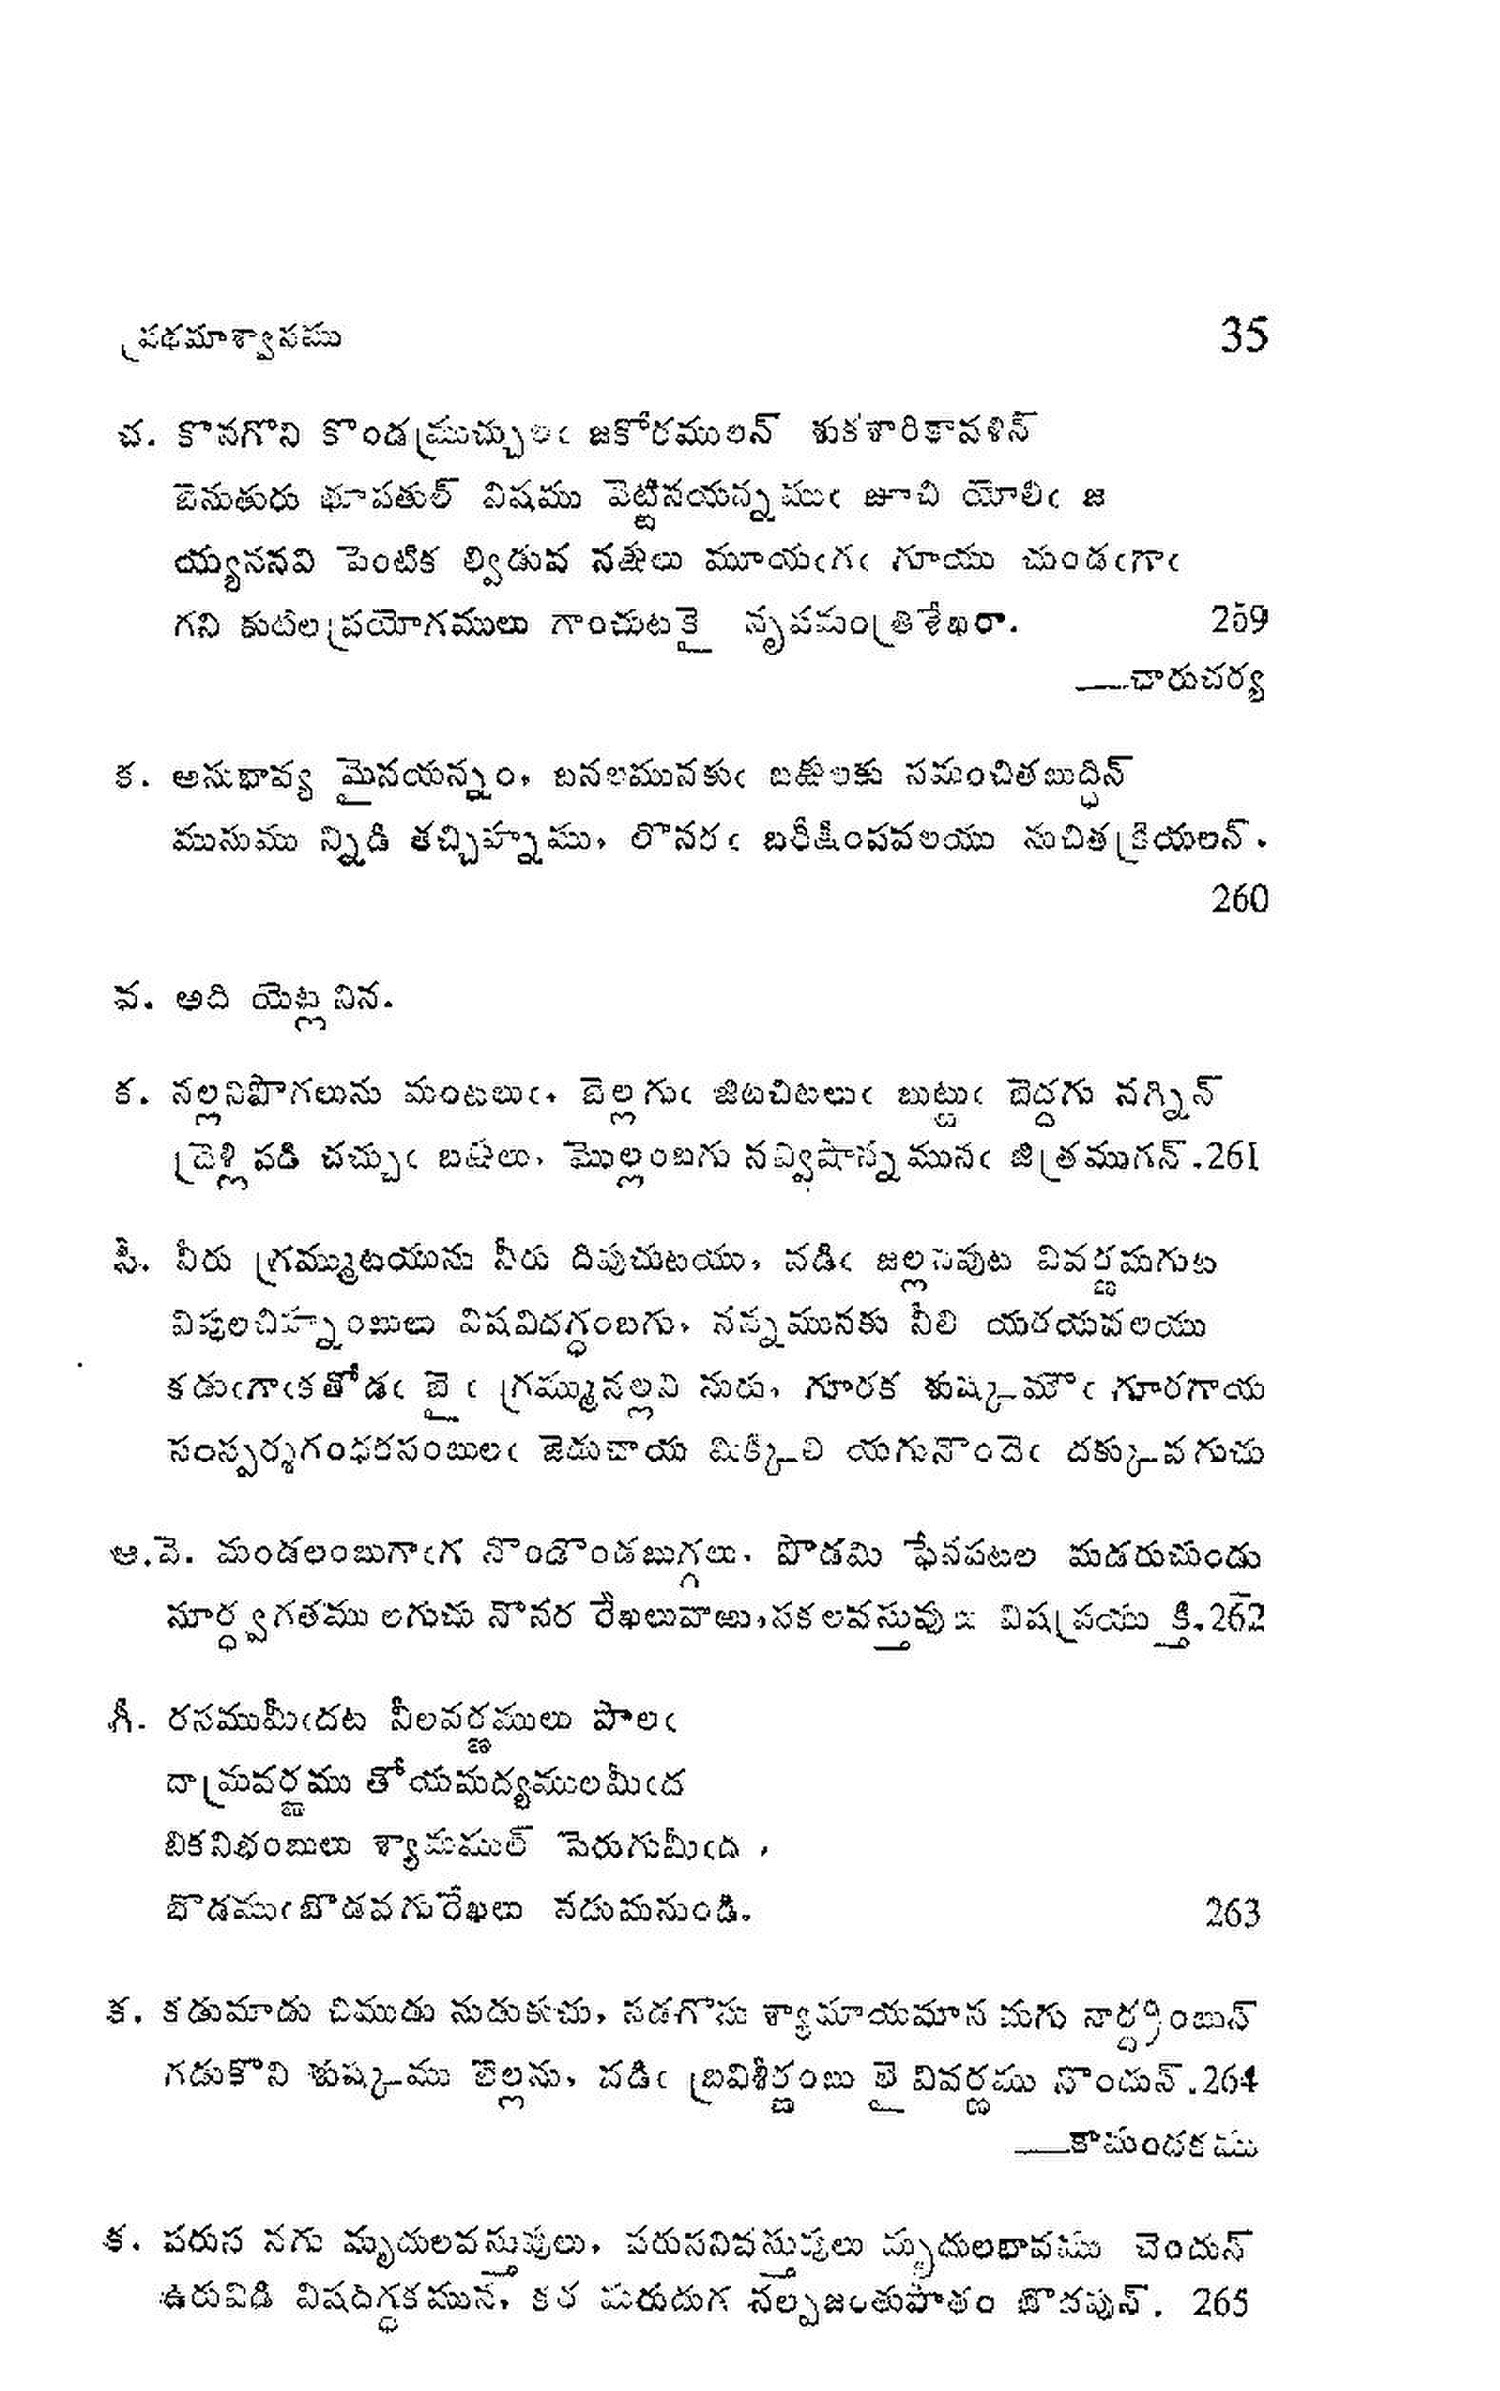చ. కొనగొని కొండమ్రుచ్చులఁ జకోరములన్ శుకశారికావళిన్
బెనుతురు భూపతుల్ విషము వెట్టినయన్నముఁ జూచి యోలిఁ జ
య్యననవి పెంటిక ల్విడువ నక్షులు మూయఁగఁ గూయుచుండఁగాఁ
గని కుటిలప్రయోగములు గాంచుటకై నృపమంత్రిశేఖరా. 259

క. అనుభావ్య మైనయన్నం
బనలమునకుఁ బక్షులకు సమంచితబుద్ధిన్
మునుము న్నిడి తచ్చిహ్నము
లొనరఁ బరీక్షింపవలయు నుచితక్రియలన్. 260

వ. అది యెట్లనిన 261

క. నల్లనిపొగలును మంటలుఁ
బెల్లగుఁ జిటజిటలుఁ బుట్టుఁ బెద్దగు నగ్నిన్
ద్రెళ్ళిపడి చచ్చుఁ బక్షులు
మొల్లంబగు నవ్విషాన్నమునఁ జిత్రముగన్. 262

సీ. నీరు గ్రమ్ముటయును నీరు దివుచుటయు
వడిఁ జల్లనవుట వివర్ణమగుట
విపులచిహ్నంబులు విషవిదగ్ధంబగు
నన్నమునకు నీలి యరయవలయు
కడుఁగాఁకతోడఁ బైఁ గ్రమ్మునల్లని నురు
గూరక శుష్కమౌఁ గూరగాయ
సంస్పర్శగంధరసంబులఁ జెడుచాయ
మిక్కిలి యగునొండెఁ దక్కువగుచు
ఆ. మండలంబుగాఁగఁ నొండొండబుగ్గలు
పొడమి ఫేనపటల మడరుచుండు
నూర్ధ్వగతము లగుచు నొనర రేఖలు వాఱు
సకలవస్తువులు విషప్రయుక్తి. 263

గీ. రసముమీఁదట నీలవర్ణములు పాలఁ
దామ్రవర్ణము తోయమద్యములమీదఁ
బికనిభంబులు శ్యామముల్ పెరుగుమీఁది
బొడముఁ బొడవగు రేఖలు నడుమనుండి. 263

క. కడుమాడు చిముడు నుడుకుచు
నడగొను శ్యామాయమాన మగు నార్ద్రంబున్
గడుకొని శుష్కము లెల్లను
వడిఁ బ్రవిశీర్ణంబు లై వివర్ణము నొందున్. 264

క. పరుస నగు మృదులవస్తువులు
పరుసనివస్తువులు మృదులభావము చెందున్
ఉరువిడి విషదగ్ధకమున
కర మరుదుగ నల్పజంతుఘాతం బొదవున్. 265